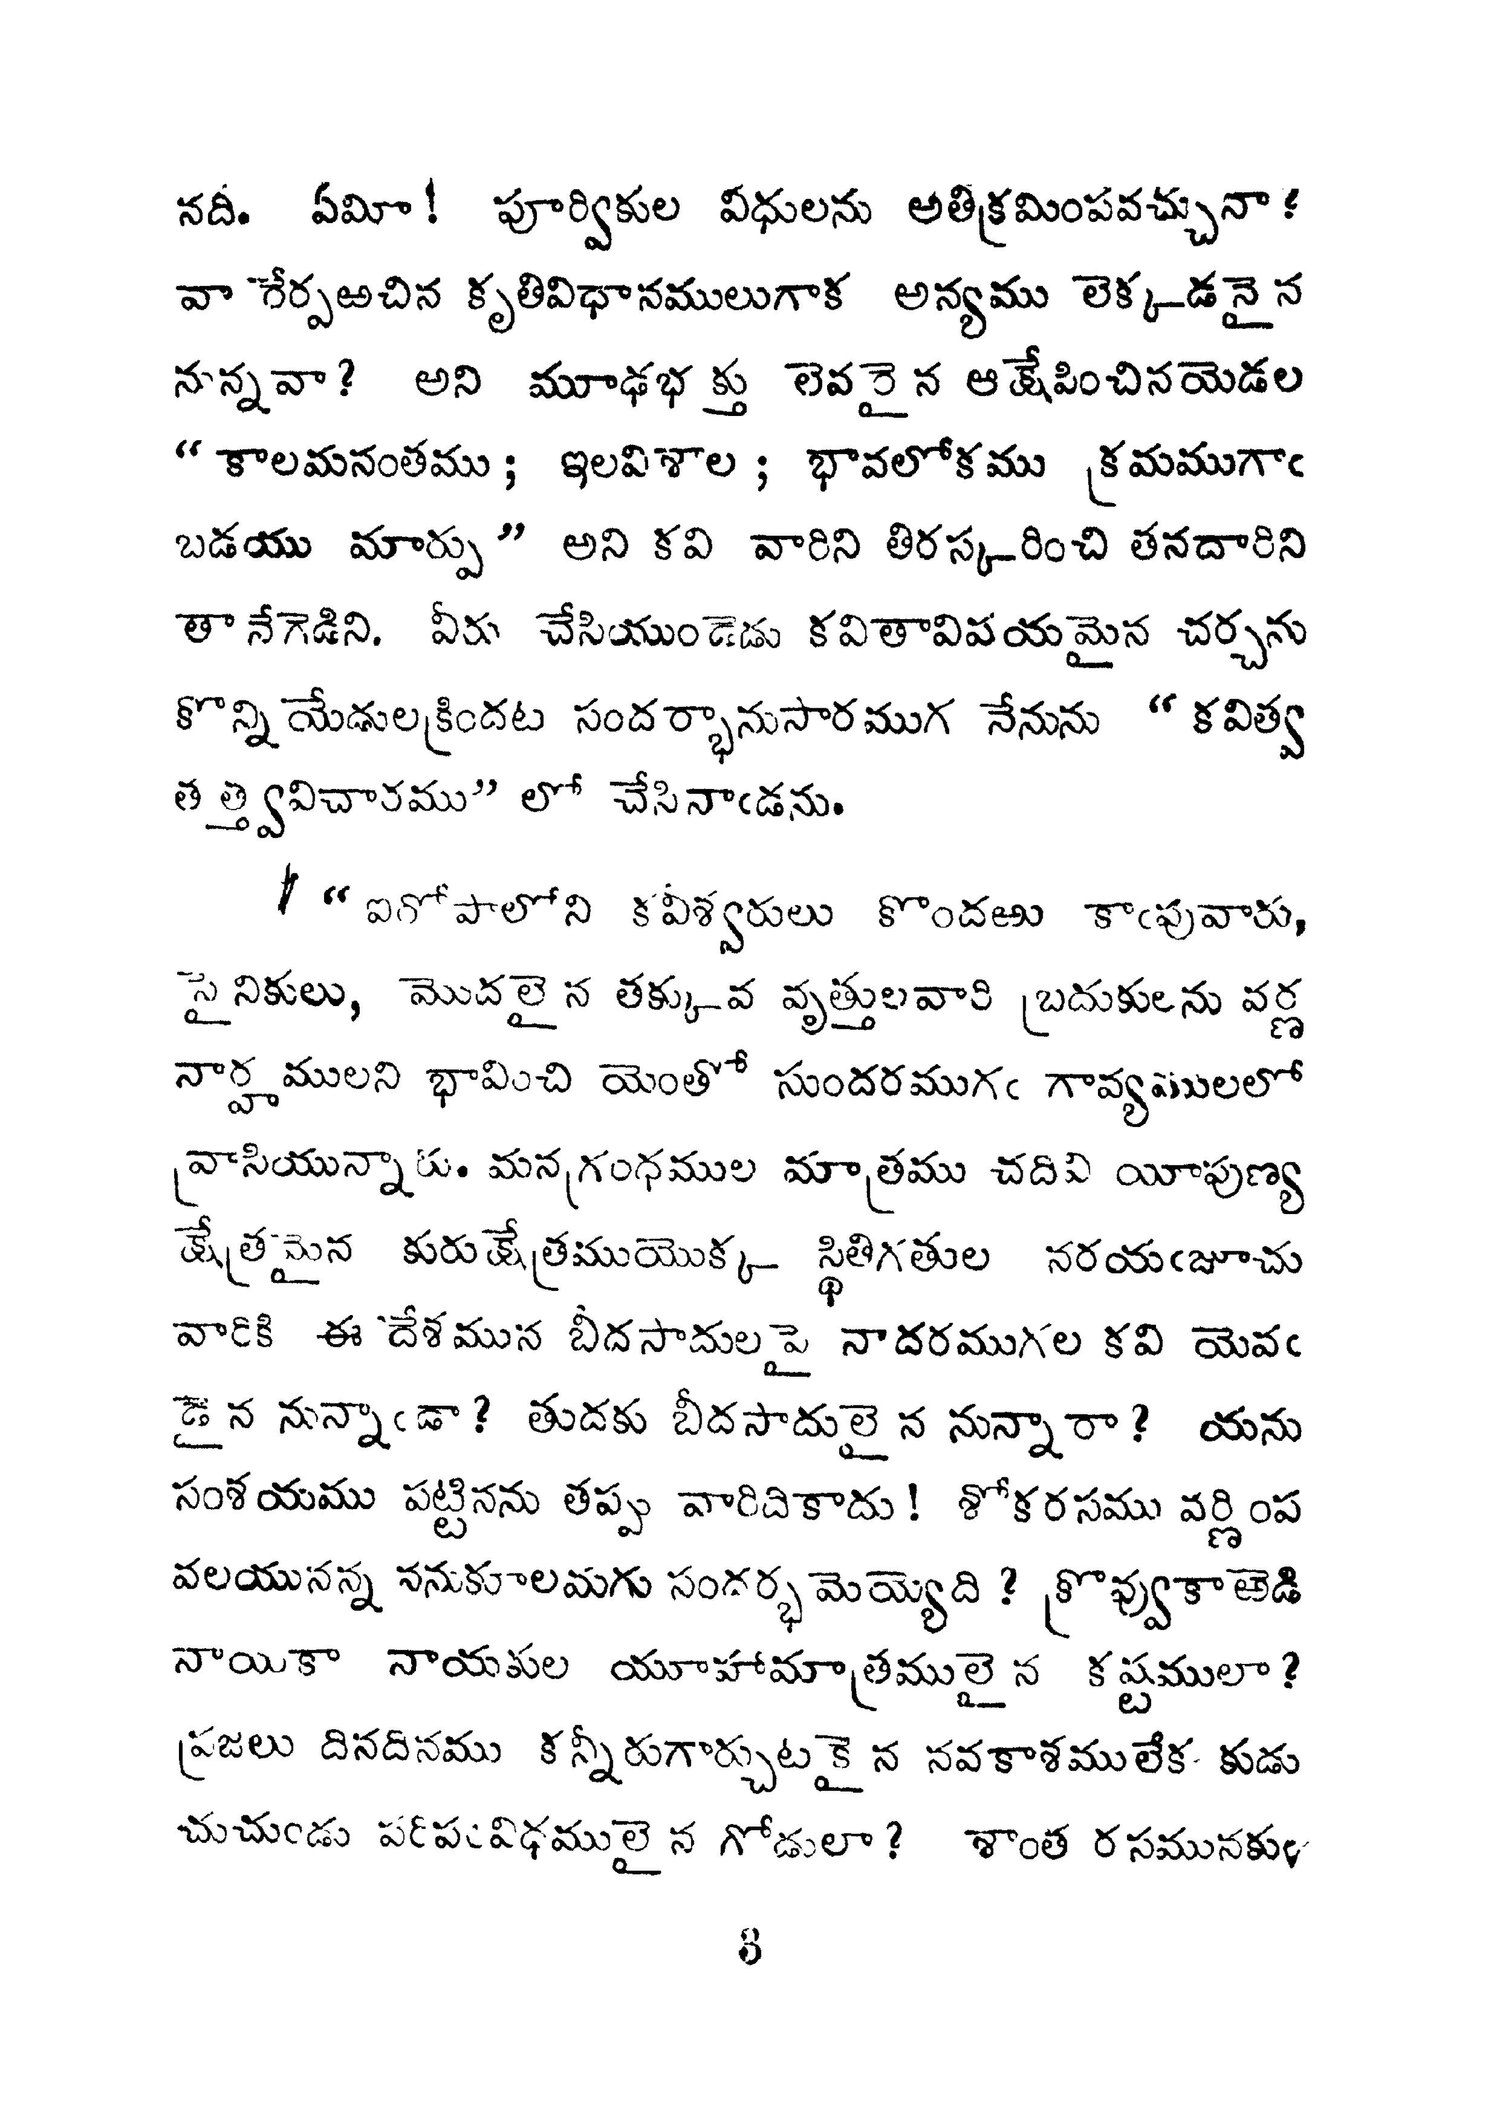నది. ఏమీ! పూర్వికుల విధులను అతిక్రమింపవచ్చునా? వా రేర్పఱచిన కృతివిధానములుగాక అన్యము లెక్కడనైన నున్నవా? అని మూఢభక్తు లెవరైన ఆక్షేపించినయెడల "కాలమనంతము, ఇలవిశాల; భావలోకము క్రమముగా బడయు మార్పు" అని కవి వారిని తిరస్కరించి తనదారిని తా నేగెడిని. వీరు చేసియుండెడు కవితావిషయమైన చర్చను కొన్నియేడులక్రిందట సందర్భానుసారముగ నేనును "కవిత్వ తత్త్వవిచారము" లో చేసినాడను.

"ఐరోపాలోని కవీశ్వరులు కొందఱు కాపువారు, సైనికులు, మొదలైన తక్కువ వృత్తులవారి బ్రదుకులను వర్ణనార్హములని భావించి యెంతో సుందరముగ గావ్యములలో వ్రాసియున్నారు. మన గ్రంథముల మాత్రము చదివి యీ పుణ్యక్షేత్రమైన కురుక్షేత్రముయొక్క స్థితిగతుల నరయ జూచువారికి ఈ దేశమున బీదసాదలపై నాదరముగల కవి యెవడైన నున్నాడా? తుదకు బీదసాదలైన నున్నారా? యను సంశయము పట్టినను తప్పు వారిదికాదు! శోకరసము వర్ణింపవలయునన్న ననుకూలమగు సందర్భమెయ్యది? క్రొవ్వుకాఱెడి నాయికా నాయకుల యూహామాత్రములైన కష్టములా? ప్రజలు దినదినము కన్నీరుగార్చుటకైన నవకాశములేక కుడుచుచుండు పరిపరివిధములైన గోడులా? శాంత రసమునకు